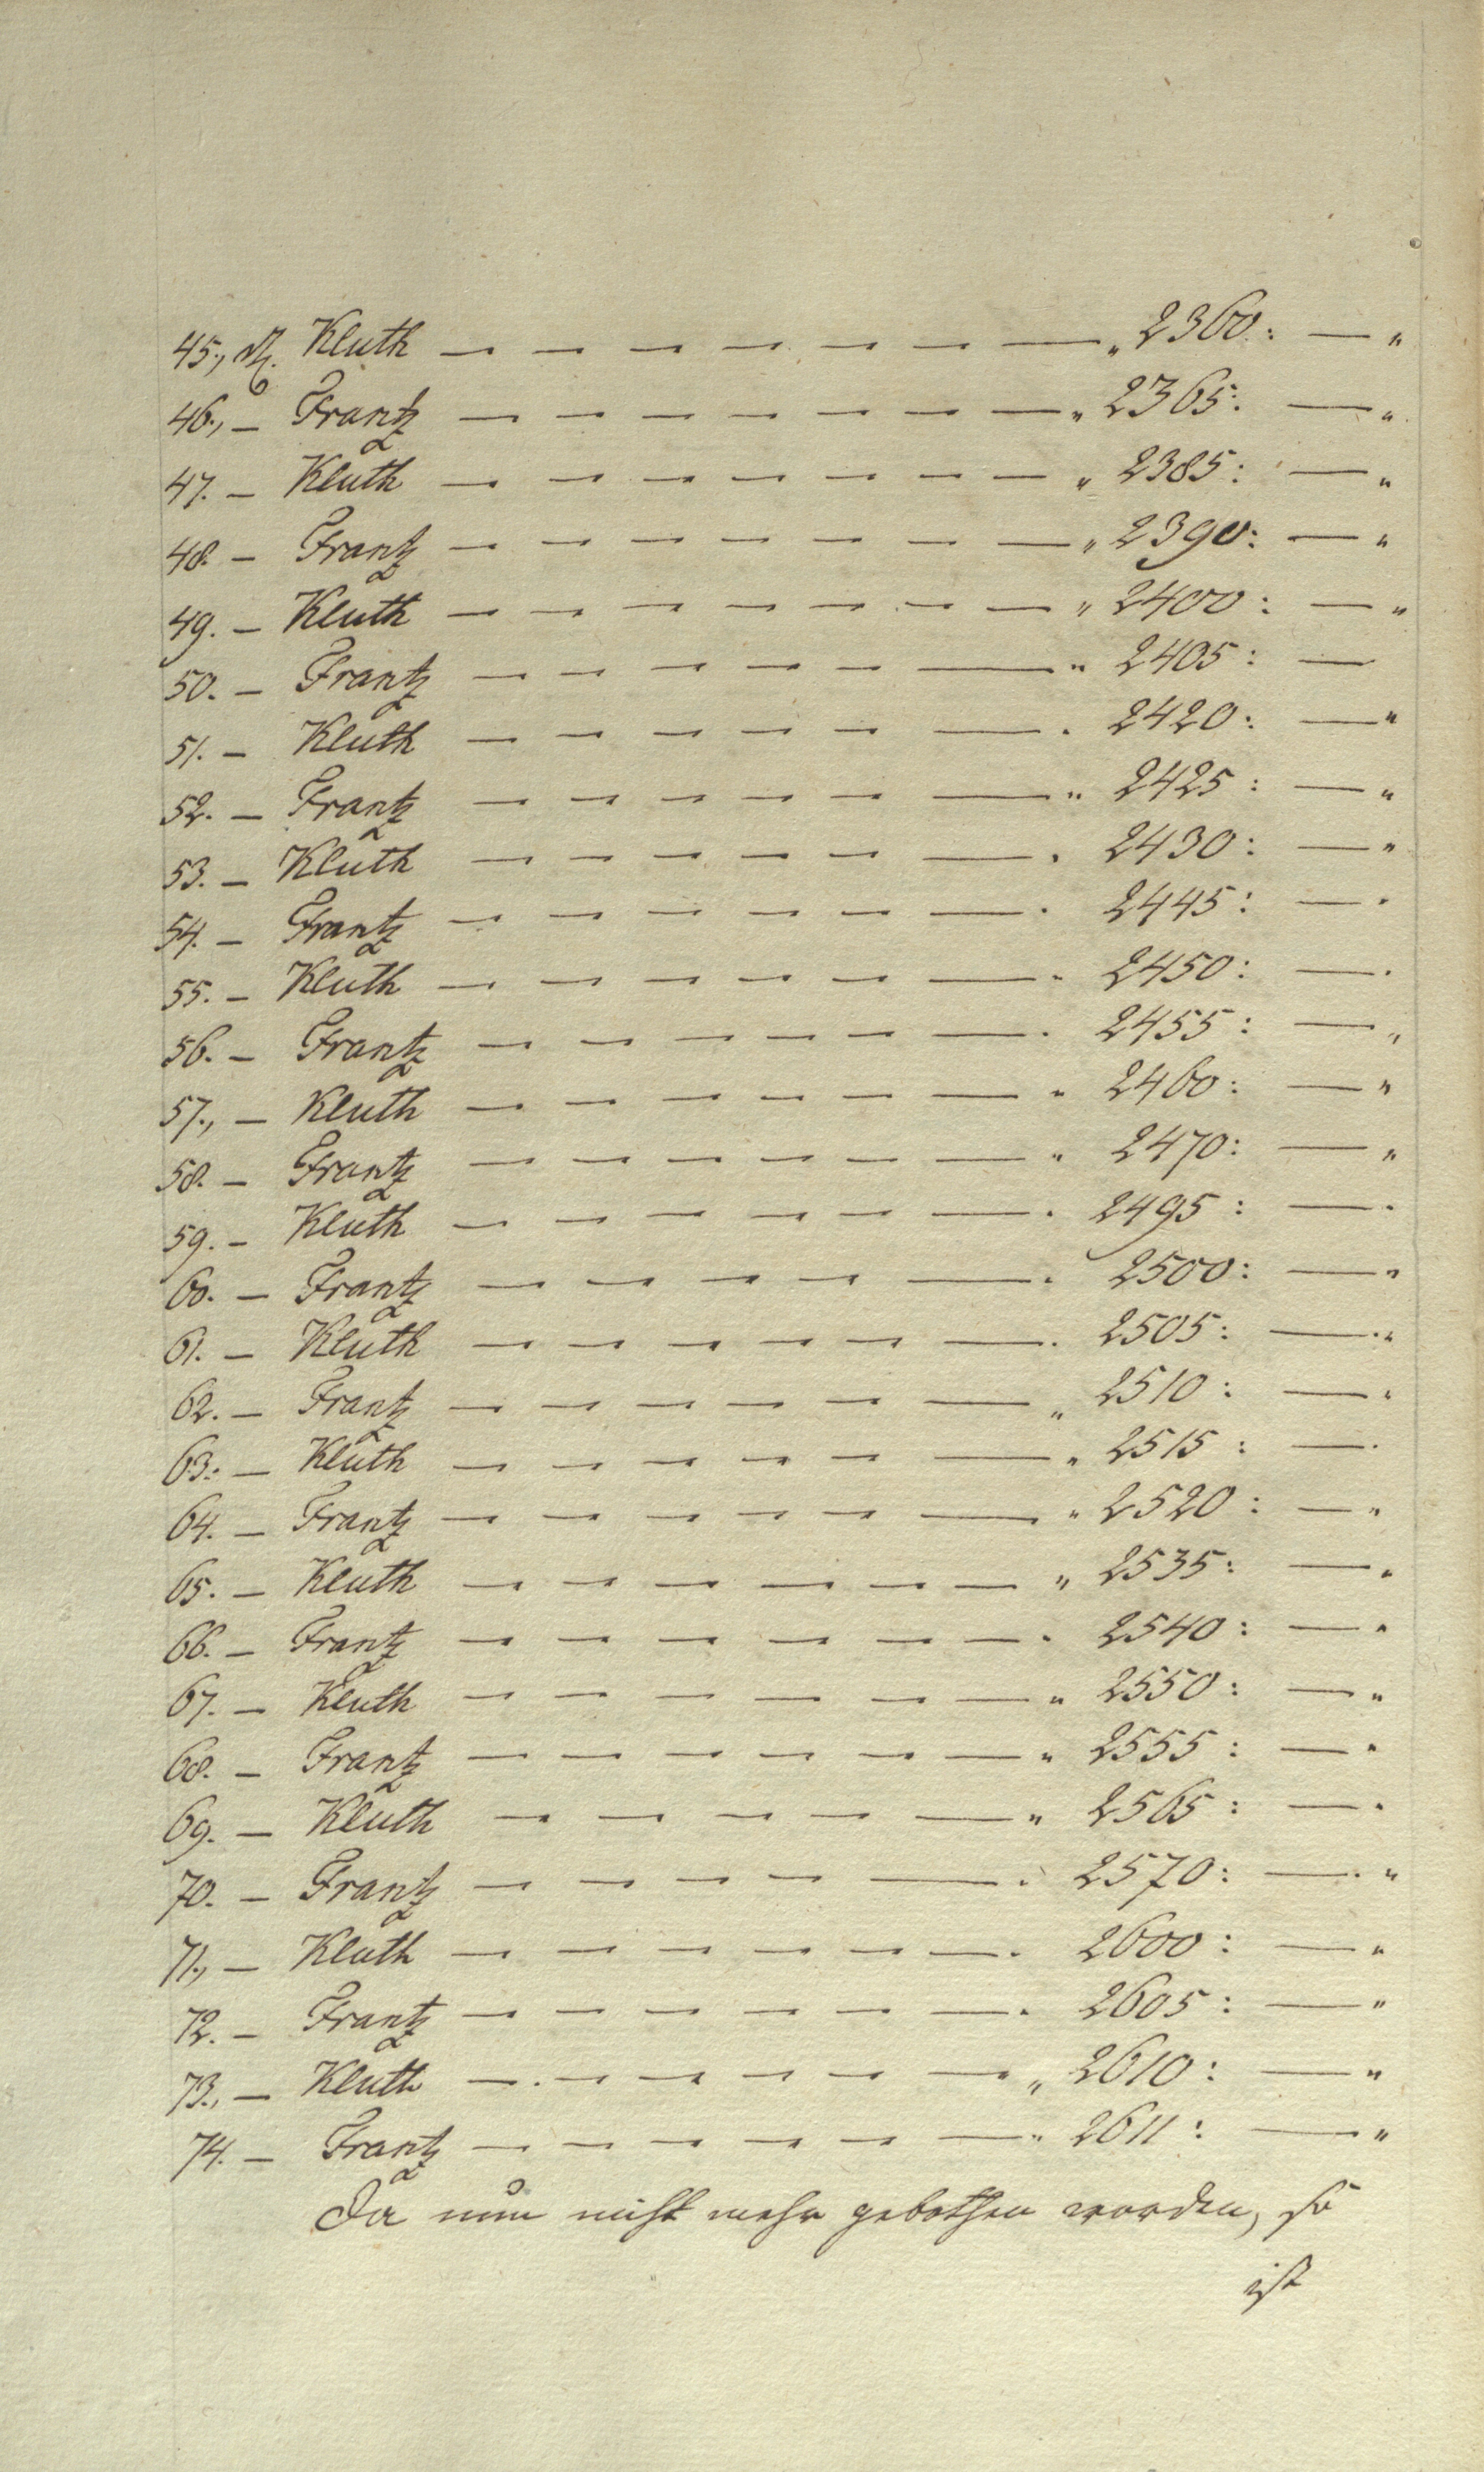45, dh. Kluth 2360:
46., Frantz 2365:
47. Kluth 2380:
48. Frantz 2390:
49. Kluth 2400:
50. Frantz 2405:
51. Kluth 2420:
52. Frantz 2425:
53. Kluth 2430:
54. Frantz 2445:
55. Kluth 2450:
56. Frantz 2455:
57., Kluth 2460:
58. Frantz 2470:
59. Kluth 2495:
60. Frantz 2500:
61. Kluth 2505:
62. Frantz 2510:
63. Kluth 2515:
64. Frantz 2520:
65. Kluth 2535:
66. Frantz 2540:
67. Kluth 2550:
68. Frantz 2555:
69. Kluth 2565:
70. Frantz 2570:
71., Kluth 2600:
72. Frantz 2605:
73., Kluth 2610:
74. Frantz 2611:
Da nun nicht mehr gebothen worden, so
ist